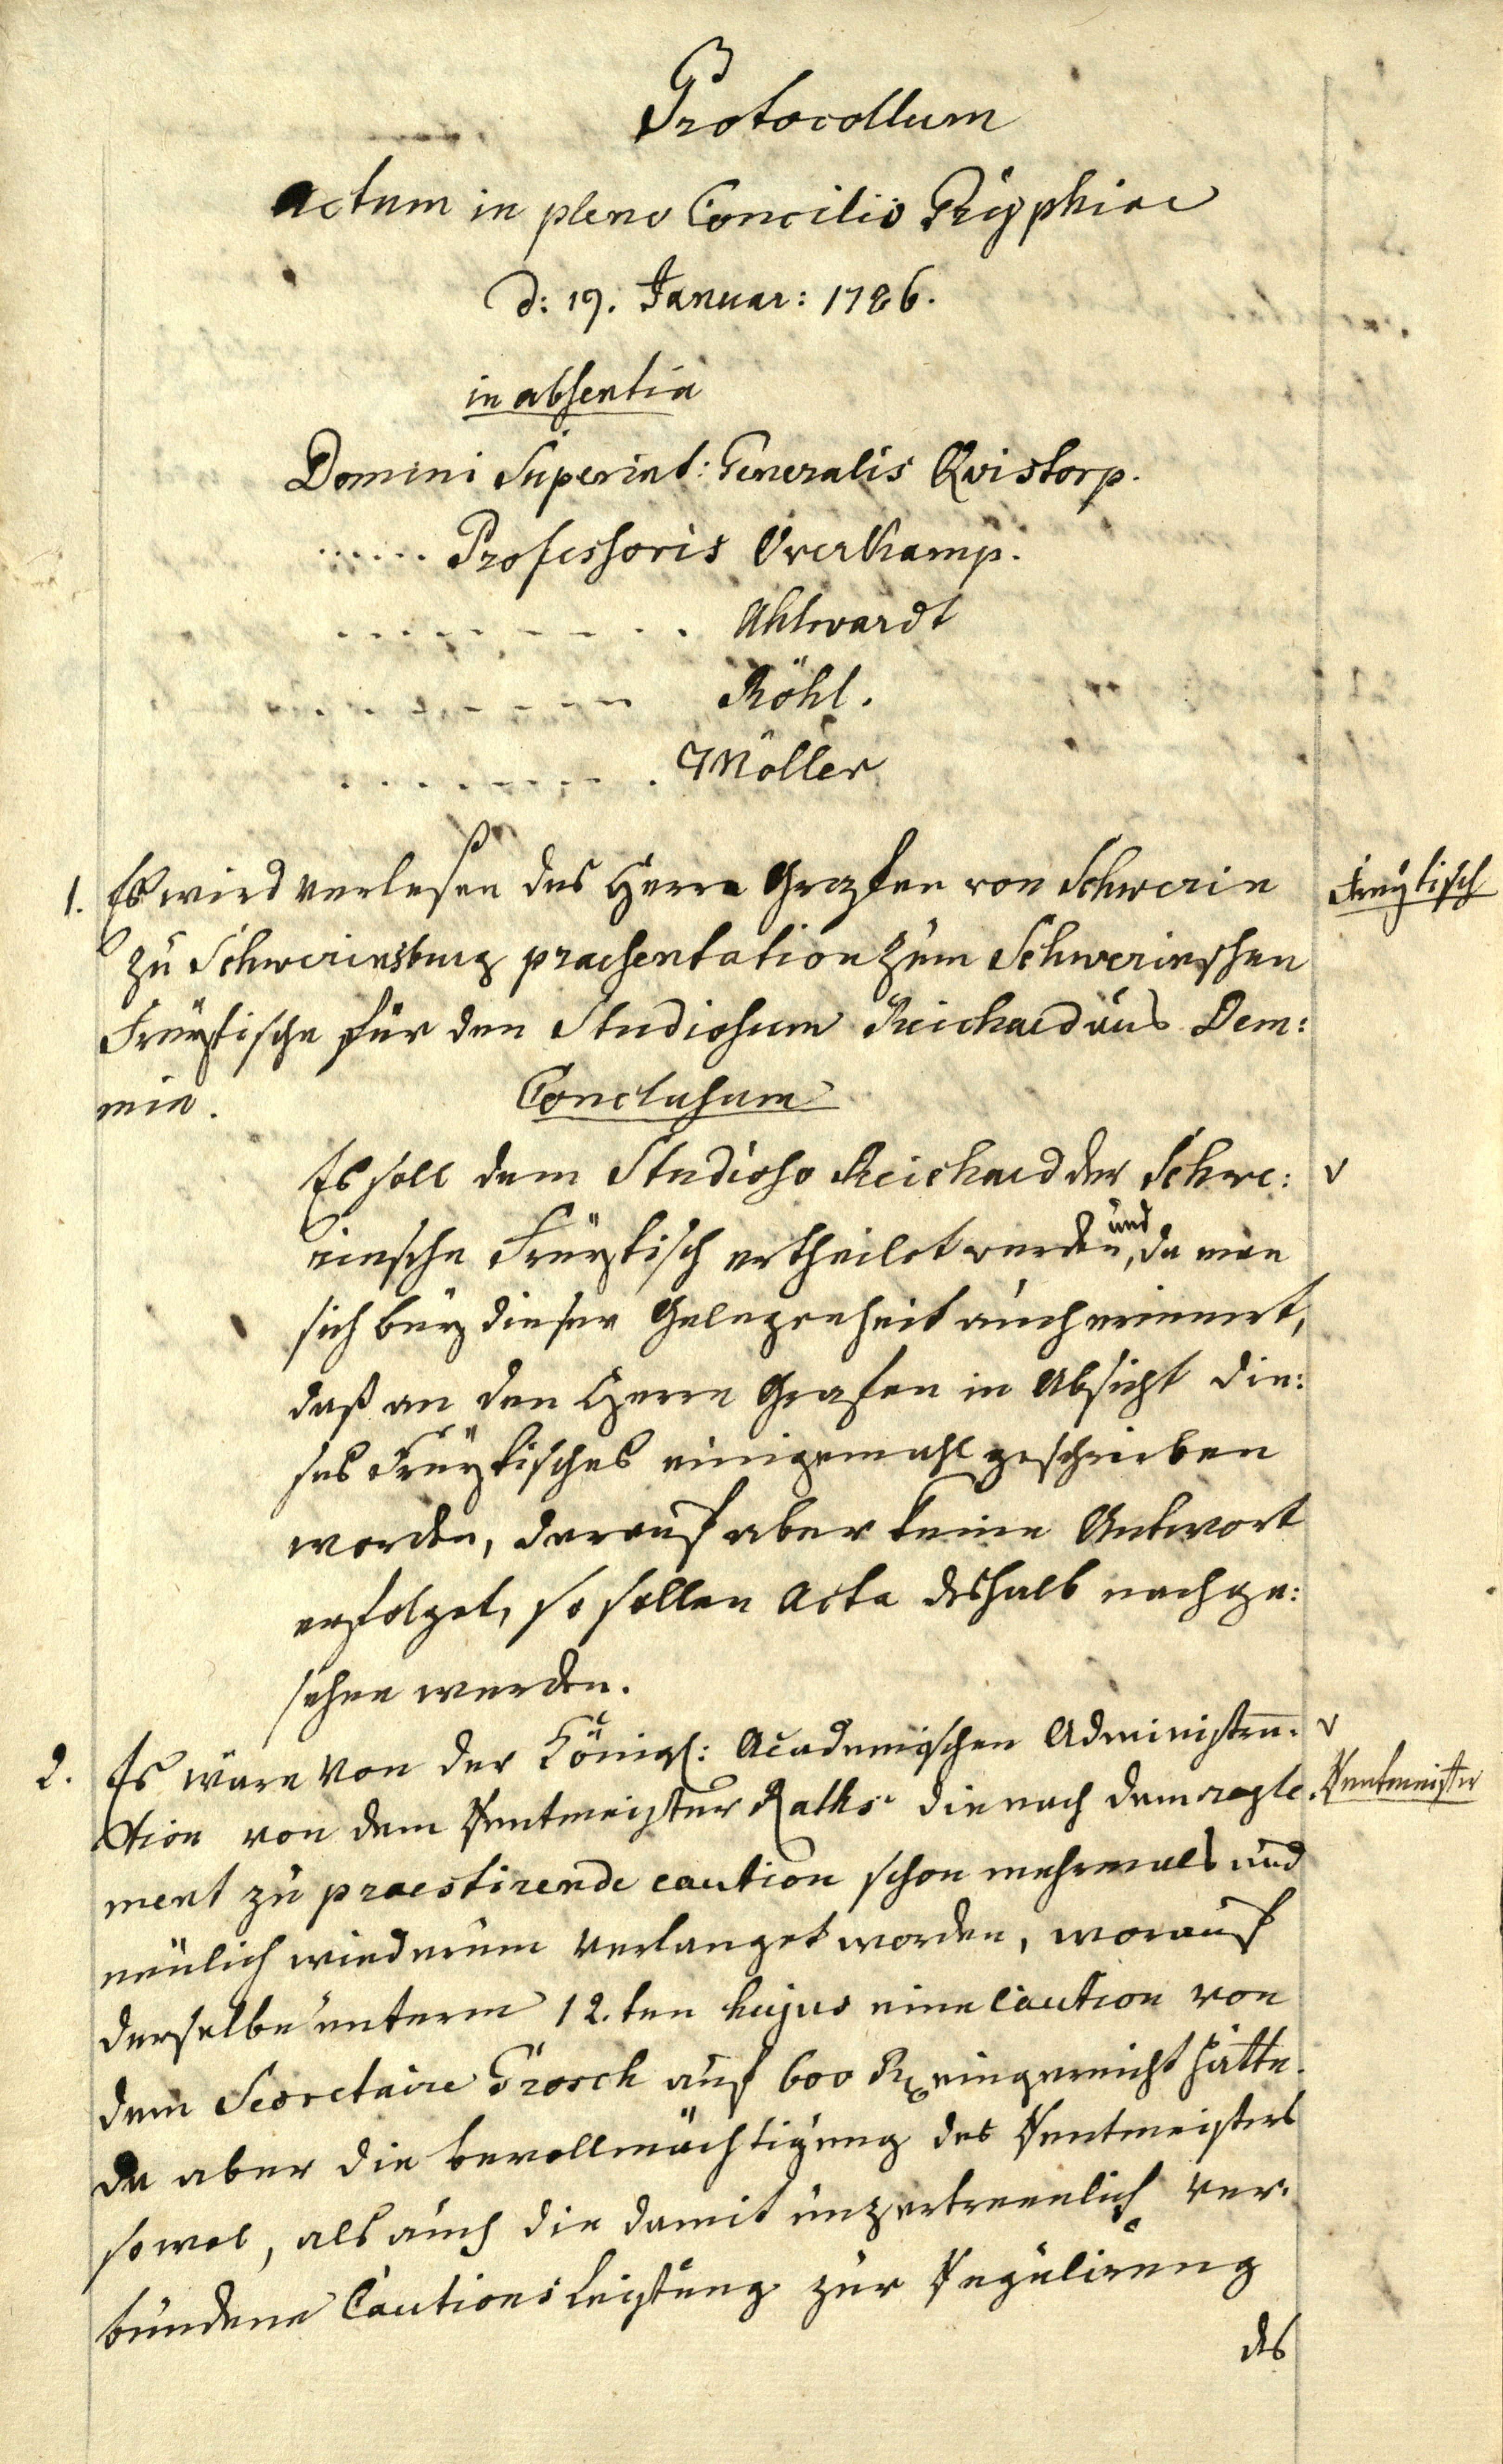Protocollum
Actum in pleno Concilio Grÿphiae
d. 19. Januar 1786.
in absentia
Domini Superint Generalis Quistorp.
Professoris Overkamp.
Ahlwardt
Röhl.
Möller
1. Es wird verlesen des Herrn Grafen von Schwerin
zu Schwerinsburg praesentation zum Schwerinschen
Freÿtische für den Studiosum Reichard aus Dem¬
min.
Conclusum
Es soll dem Studioso Reichard der Schwe¬
rinsche Freÿtisch ertheilet werden, und da man
sich beÿ dieser Gelegenheit auch erinnert,
daß an den Herrn Grafen in Absicht die¬
des Freÿtisches einigemahl geschrieben
worden, darauf aber keine Antwort
erfolget, so sollen Acta deshalb nachge¬
sehen werden.
2. Es wäre von der Königl. Academischen Administra¬
tion von dem Rentmeister Raths die nach dem regle¬
ment zu praestirende caution schon mehrmals und
neulich wiederum verlanget worden, worauf
derselbe unterm 12. ten hujus eine Caution von
dem Secretaire Grosch auf 600 R. eingereicht hätte.
Da aber die Bevollmächtigung des Rentmeisters
so wol, als auch die damit unzertrennlich ver¬
bundene Cautions leistung zur Regulirung
des